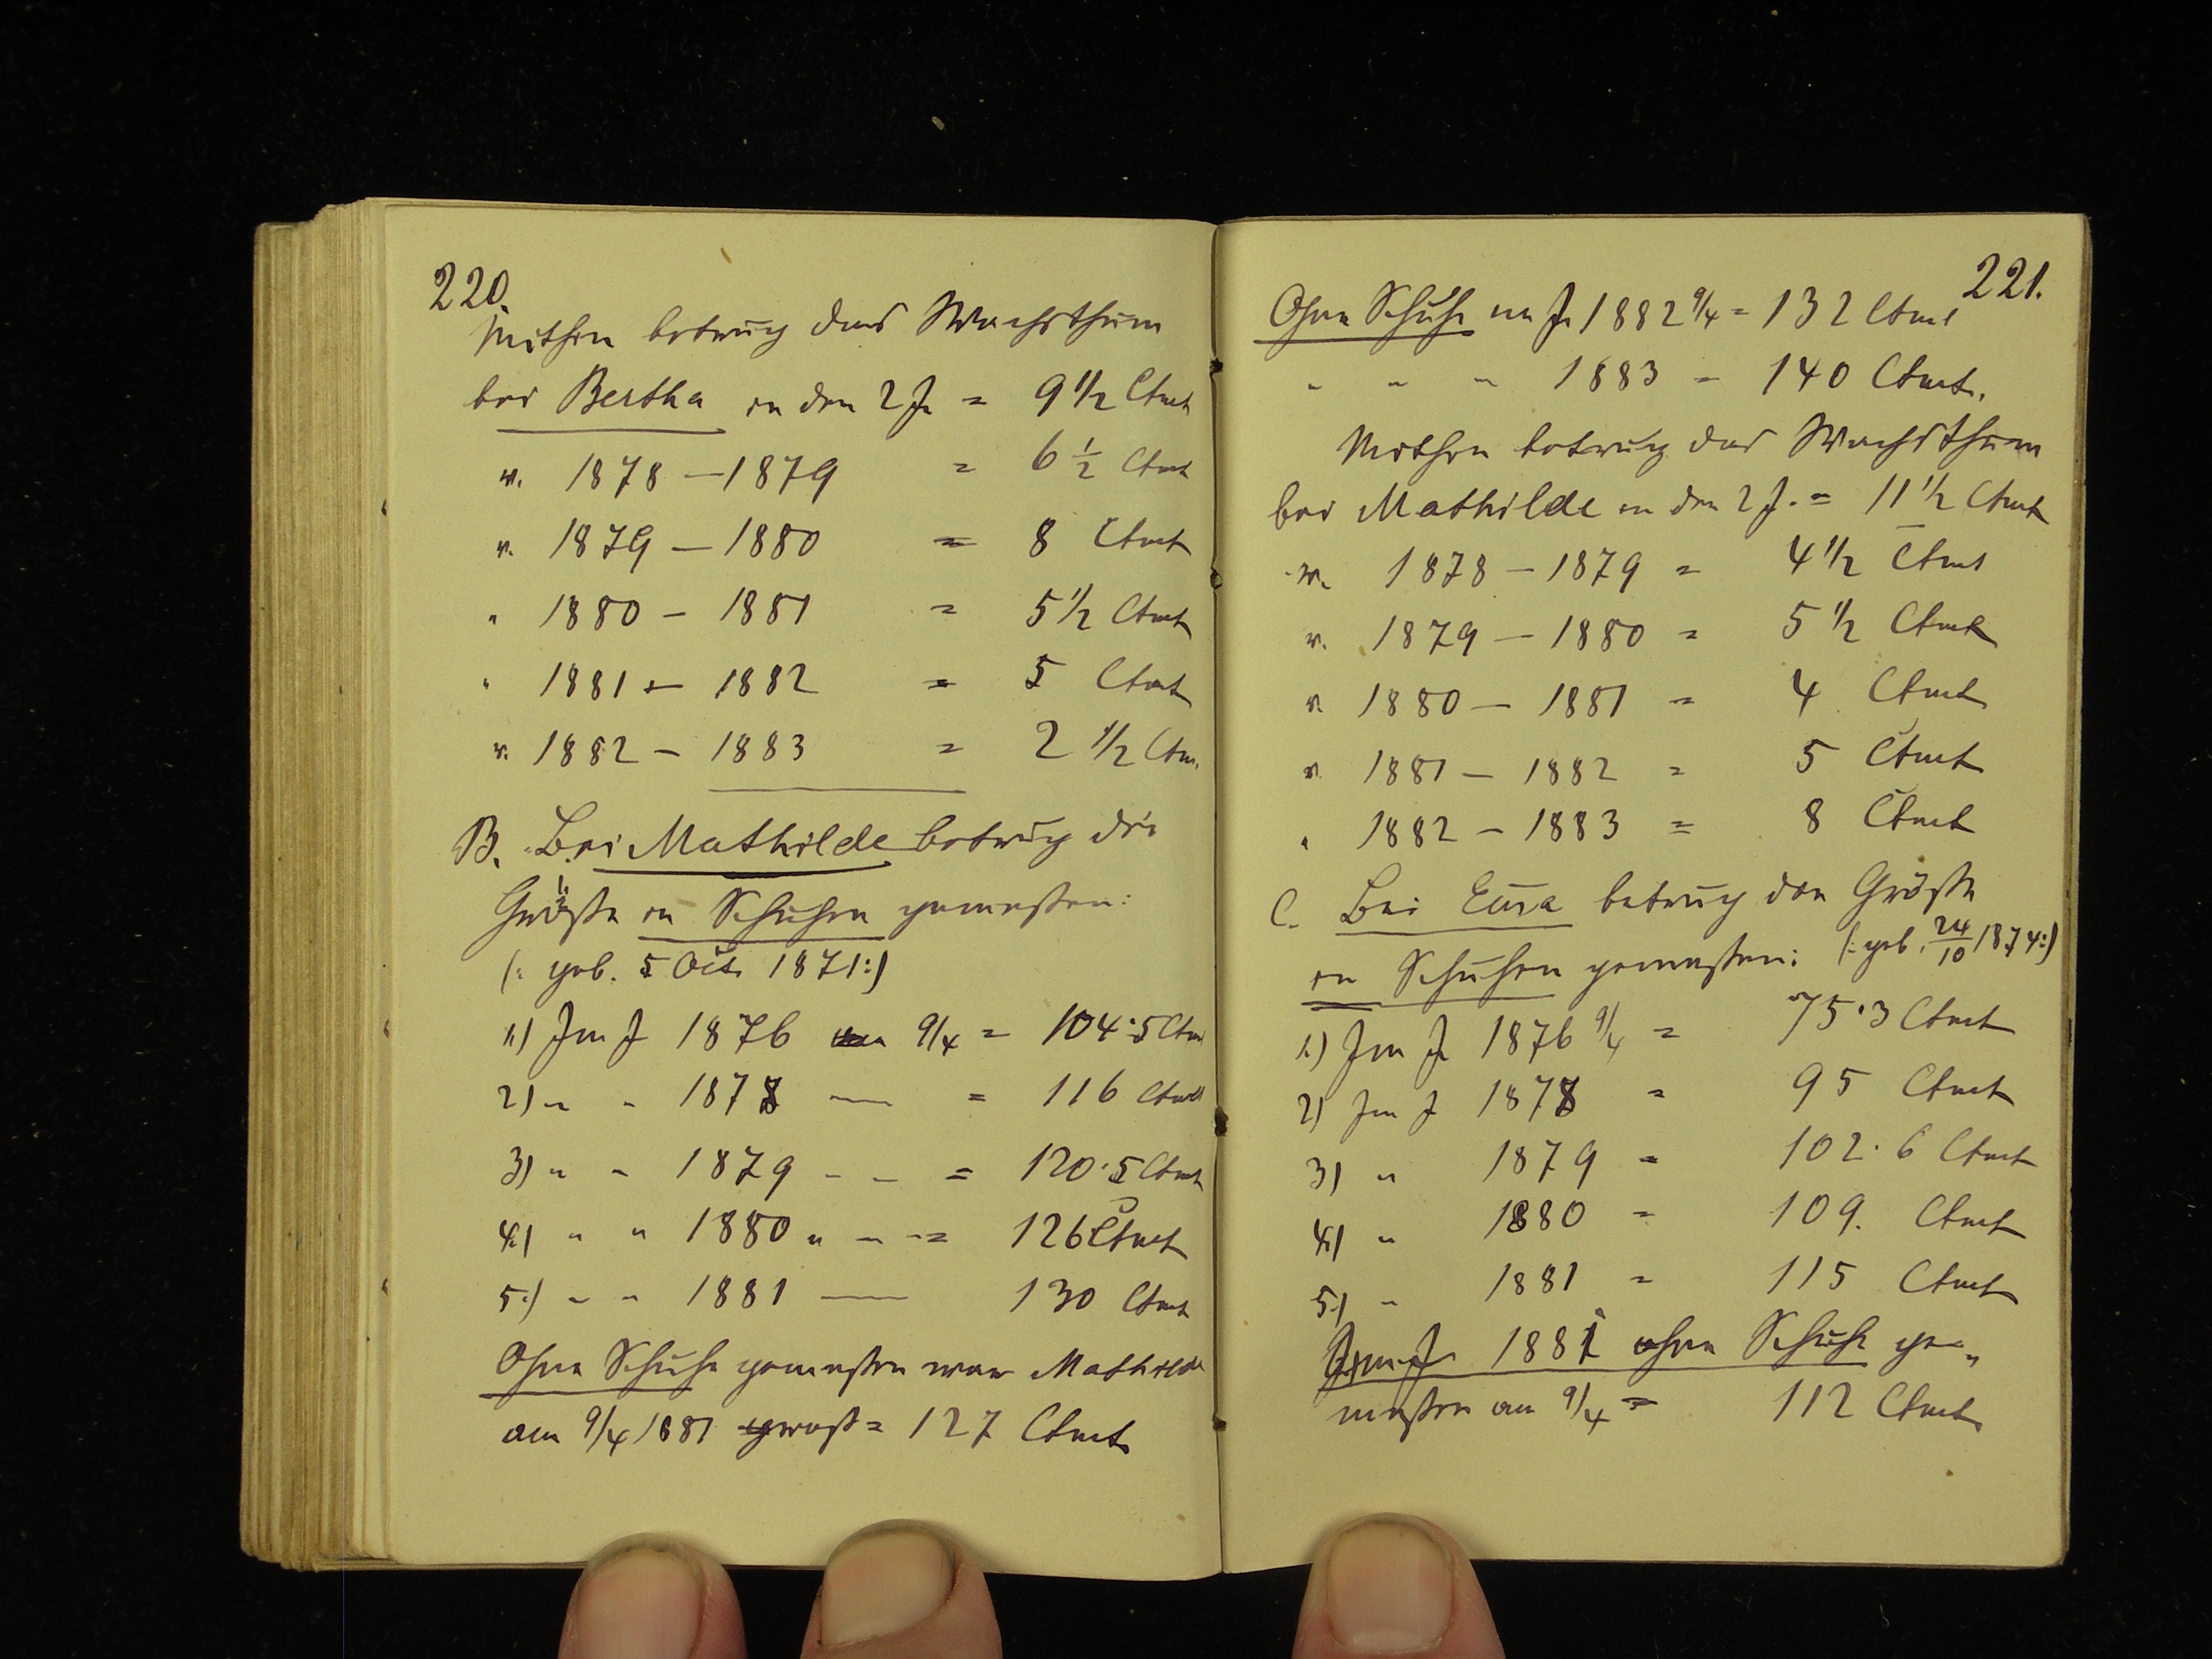220
Mithin betrug das Wachstum
bei Bertha in den 2 Jahren = 9 ½ ctmtr
Von 1878- 1879 = 6 ½ ctmtr
1879-1880 = 8 ctmtr
1880-1881 = 5, ½ ctmtr
1881-1882 = 5 ctmtr
1882-1883 = 2 ½ ctmtr
B). Bei Mathilde betrug die
Größe in Schuhen gemeßen
( geb. 5. Okt. 18 )
1) Im Jahre 1876 9/4 = 104,5 ctmtr
2) 1878 = 116 ctmtr
3) 1879 = 120,5 ctmtr
4) 1880 = 126 ctmtr
5) 1881 = 130 ctmtr
Ohne Schuhe gemeßen war Mathilde
am 9/4 1881 groß = 127 ctmtr
221
Ohne Schuhe 1882 = 132 ctmtr
1883 = 140 ctmtr
Mithin betrug das Wachstum
bei Mathilde in den 2 Jahren = 11 ½ ctmtr
Von 1878-1879 = 4 ½ ctmtr
1879-1880 = 5 ½ ctmtr
1880-1881 = 4 ctmtr
1881-1882 = 5 ctmtr
1882-1883 = 8 ctmtr
C) Bei Emma betrug die Größe
in Schuhen gemeßen. (: Geb. 24/10 1874 :)
1) Im Jahre 1876 9/4 = 75,3 ctmtr
2) 1878 = 95 ctmtr
3) 1879 = 102 ctmtr
4) 1880 = 109 ctmtr
5) 1881 = 115 cmtr
Im Jahre 1881 ohne Schuh ge¬
meßen am 9/4 = 112 cmtr